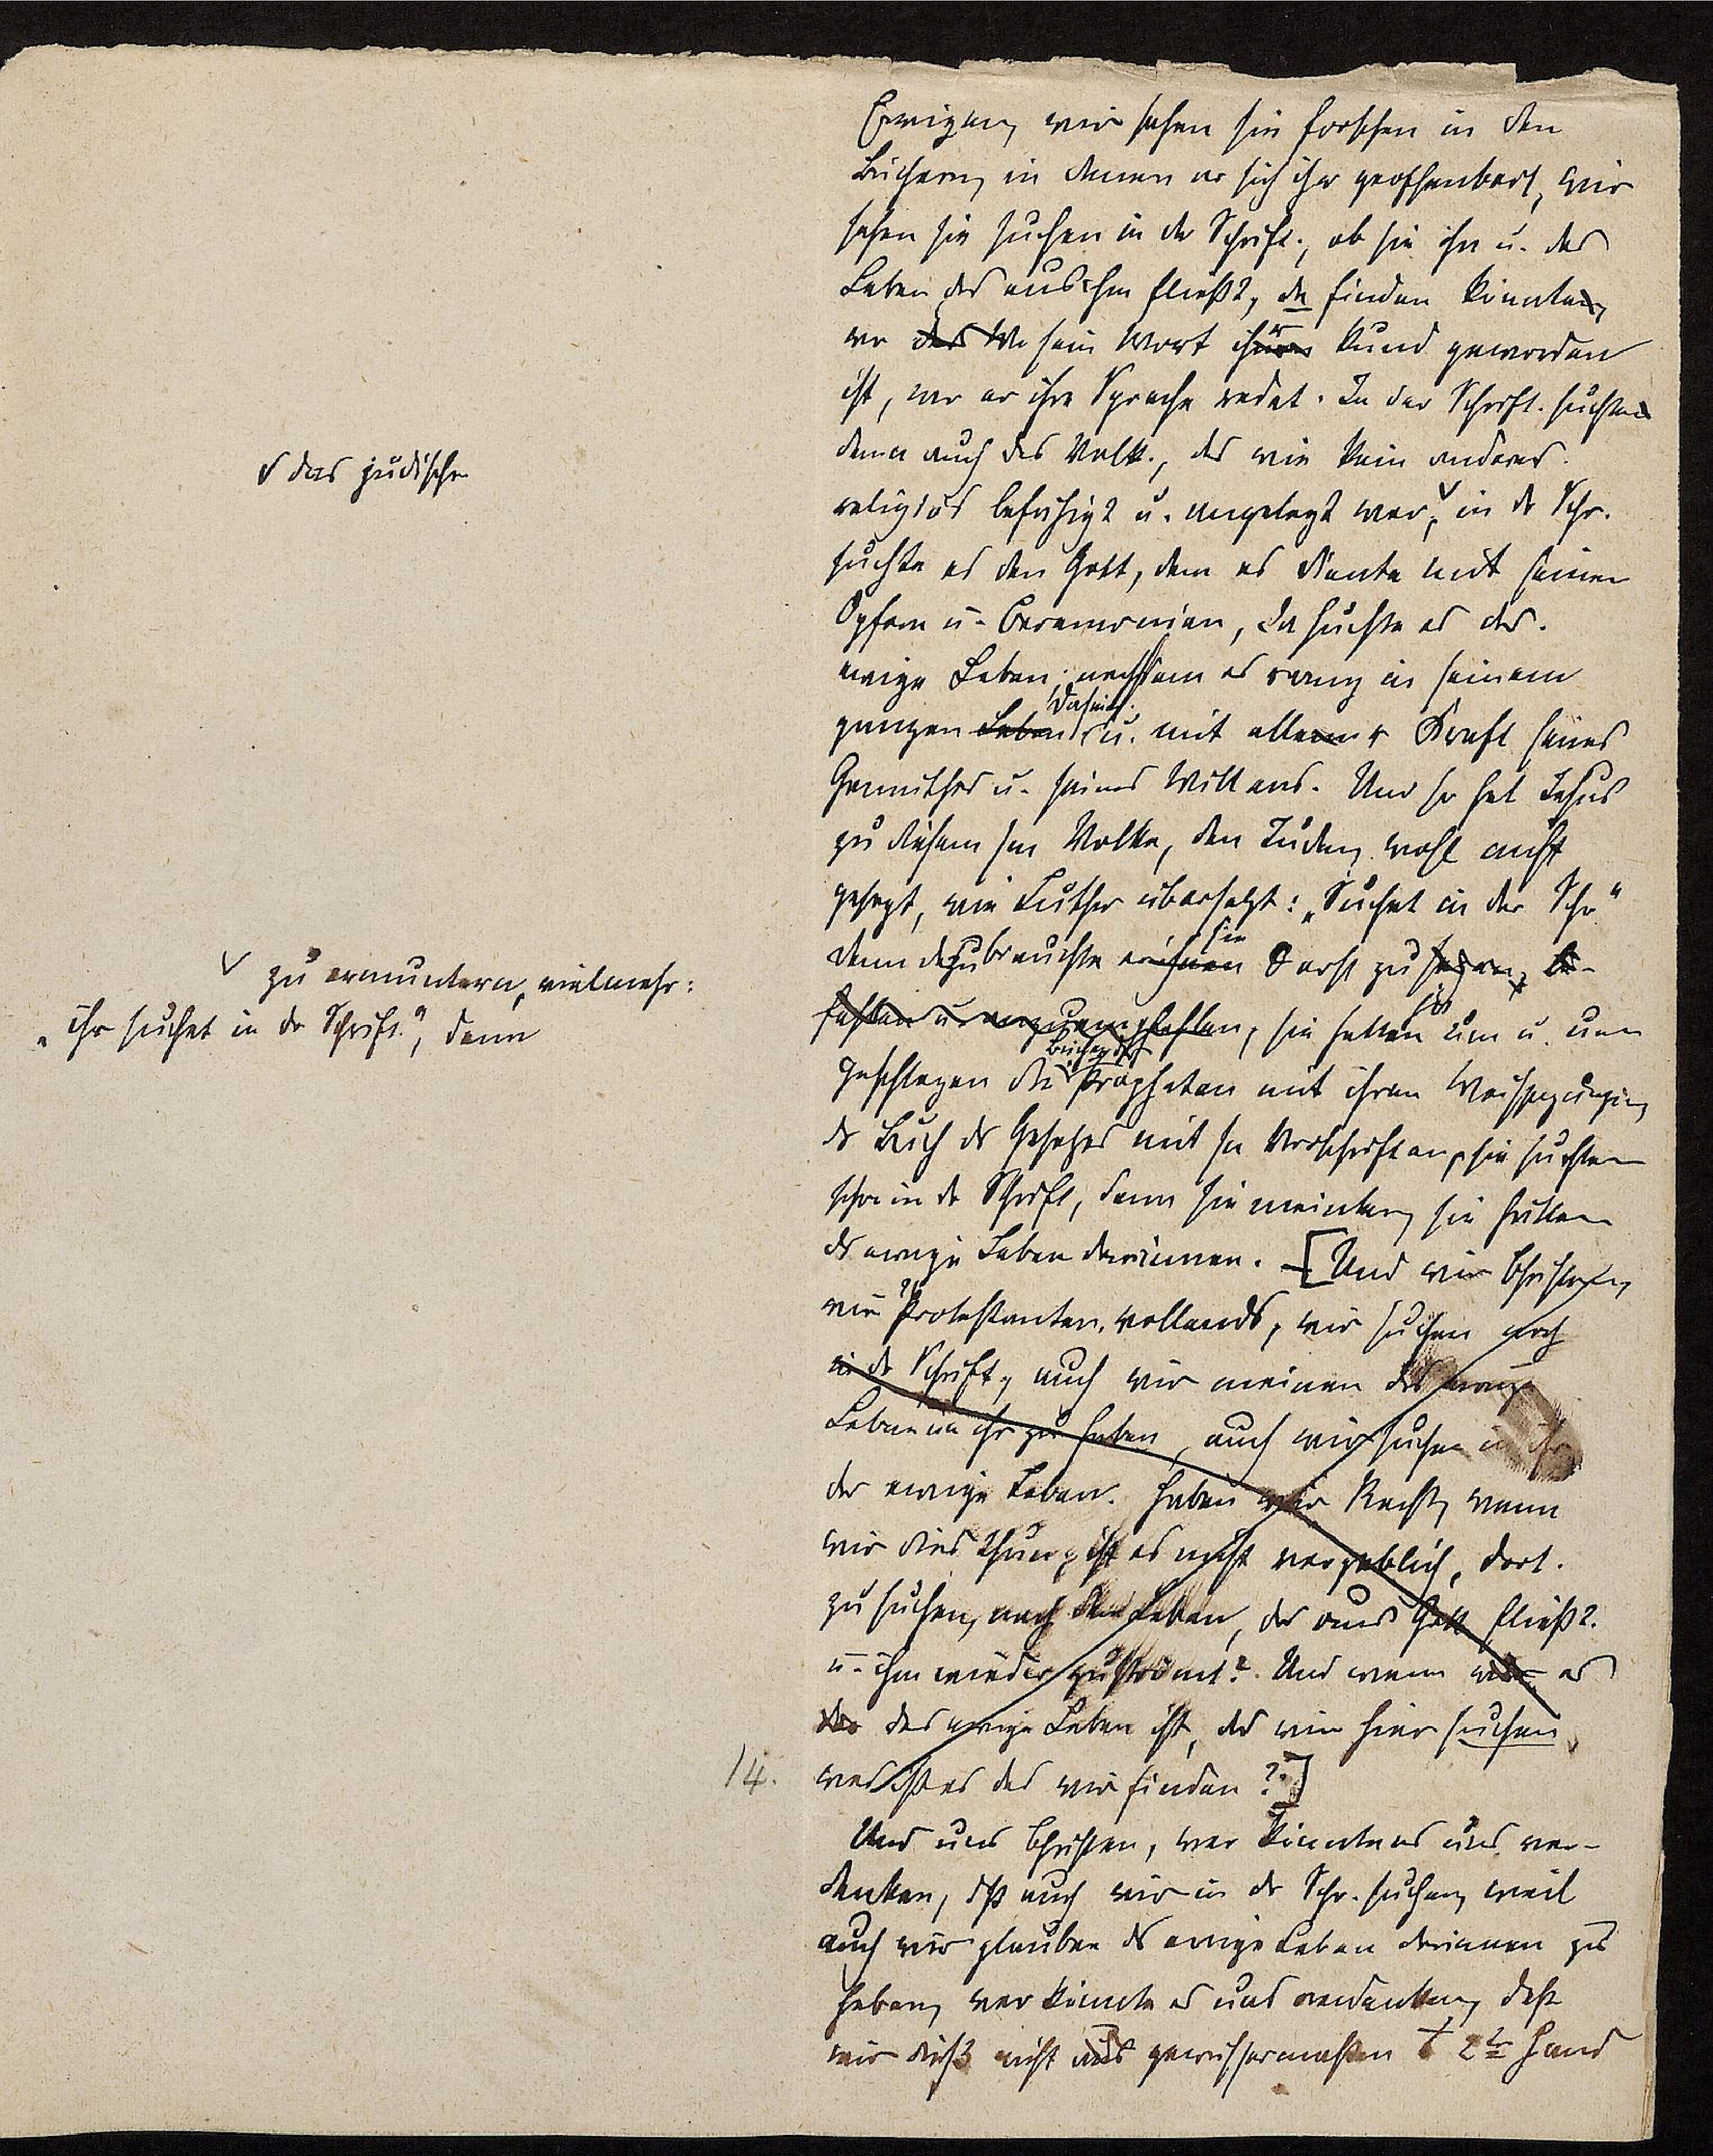V das jüdische
V zu ermuntern vielmehr:
"ihr suchet in dr. Schrift", denn
14.
Ewigen, wir sehen sie forschen in den
Büchern, in denen er sich ihr geoffenbart, wir
sehen sie suchen in der Schrift, ob sie ihn u. das
Leben, das aus ihm fließt, da finden könnten,
wo das W sein Wort ihnen kund geworden
ist, wo er ihre Sprache redet. In der Schrift. suchten
denn auch des Volk., ds wie kein anderes
religiös befähigt u. angelegt war, in dr Schr.
suchte es den Gott, dem es diente mit seinen
Opfern u. Ceremonien, da suchte es ds.
ewige Leben; neclen es rang in seinem
Dasein
ganzen Leben (u. mit allem r. Kraft seines
Gemüthes u. seines Willens. Und so hat Jesus
zu diesem sm Volke, den Juden, wohl nicht
gesagt, wie Luther übersetzt: "Suchet in der Schr."
denn dazu breuchter er ihnen o erst zu sagen, be¬
fehlen u. anzuempfehlen, sie sollten um u um¬
Bücher
geschlagen die Propheten mit ihren Weissagugen,
ds Buch ds Gesetzes mit sn Vorschriften, sie suchten
schon in dr Schrift denn sie meinten, sie hätten
ds ewige Leben darinnen. _ [Und wir Christen,
wir Protestanten vollends, wir suchen noch
in dr Schrift, auch wir meinen ds ewige
Leben an ihr zu haben, auch wir suchen in ihr
ds ewige Leben. haben wir Recht, wenn
wir dies thun, ist es nicht vergeblich, dort.
zu suchen, nach dem Leben, das aus Gott fließt.
u. ihm wieder zuströmt? Und wenn wir es
der das ewige Leben ist, das wir hier suchen,
was ist es das wir finden)]
Und uns Christen, wer könnte es uns ver¬
denken, dß auch wir in dr. Schr. suchen, weil
auch wir glauben ds ewige Leben darinnen zu
haben, wer könnte es uns verdenken, daß
wir dieses nicht aus gewissermaßen s 2ter Hand